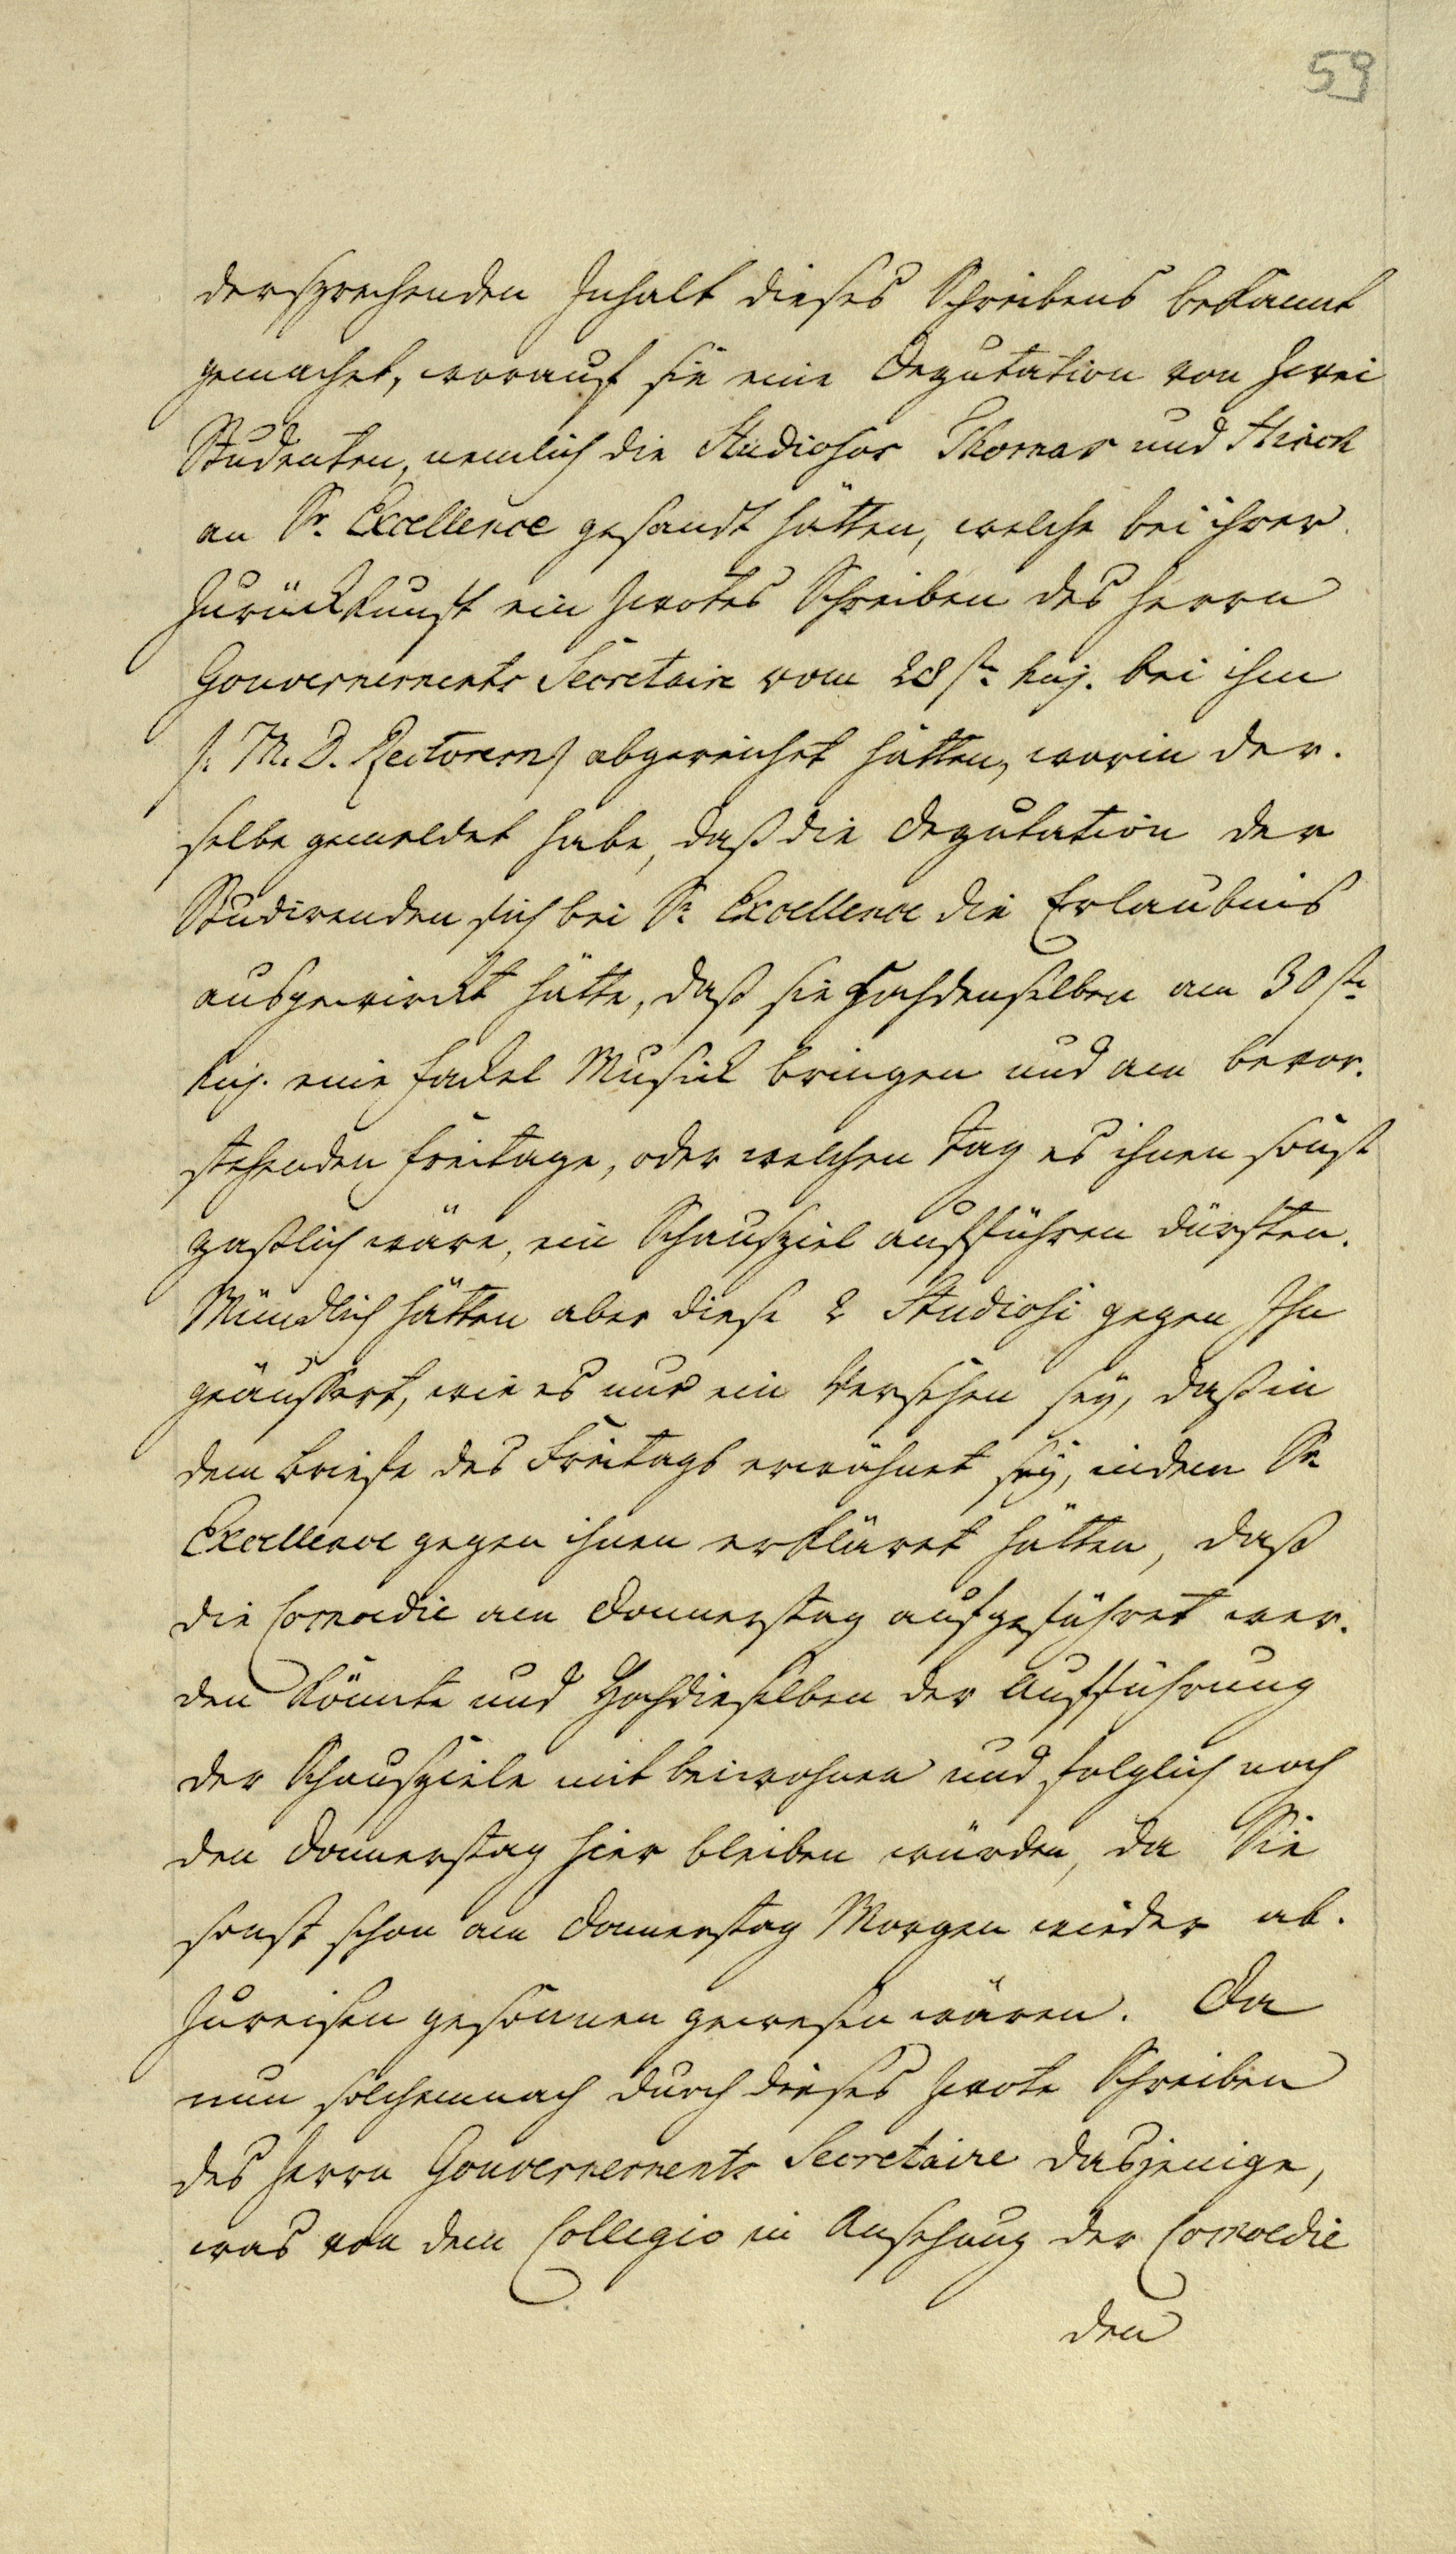dersprechenden Inhalt dieses Schreibens bekannt
gemachet, worauf sie eine Deputation von zwei
Studenten, nemlich die Studiosos Thomas und Hinck
an Sr. Excellence gesandt hätten, welche bei ihrer
Zurückkunft ein zwotes Schreiben des Herrn
Gouvernements Secretaire vom 28 sten huj. bei ihm
/: M. D. Rectorem / abgereichet hätten, worin der¬
selbe gemeldet habe, daß die Deputation der
Studirenden sich bei Sr Excellence die Erlaubnis
ausgewirckt hätte, daß sie Hochdenselben am 30 ste.
huj. eine Fackel Musick bringen und am bevor¬
stehenden Freitage, oder welchen Tag es ihnen sonst
paßlich wäre, ein Schauspiel anfführen dürften.
Mündlich hätten aber diese 2 Studiosi gegen Ihn
geäussert, wie es nur ein Versehen seÿ, daß in
dem Briefe des Freitags erwähnet seÿ, indem Sr
Excellence gegen ihnen erkläret hätten daß
die Comoedie am Donnerstag aufgeführet wer¬
den könnte und Hochdieselben der Aufführung
der Schauspiele mit beiwohnen und folglich noch
den Donnerstag hier bleiben würden, da Sie
sonst schon am Donnerstag Morgen wieder ab¬
zureisen gesonnen gewesen wären. Da
nun solchemnach durch dieses zwote Schreiben
des Herrn Gouvernements Secretaire dasjenige,
was da dem Collegio in Ansehung der Comoedie
den